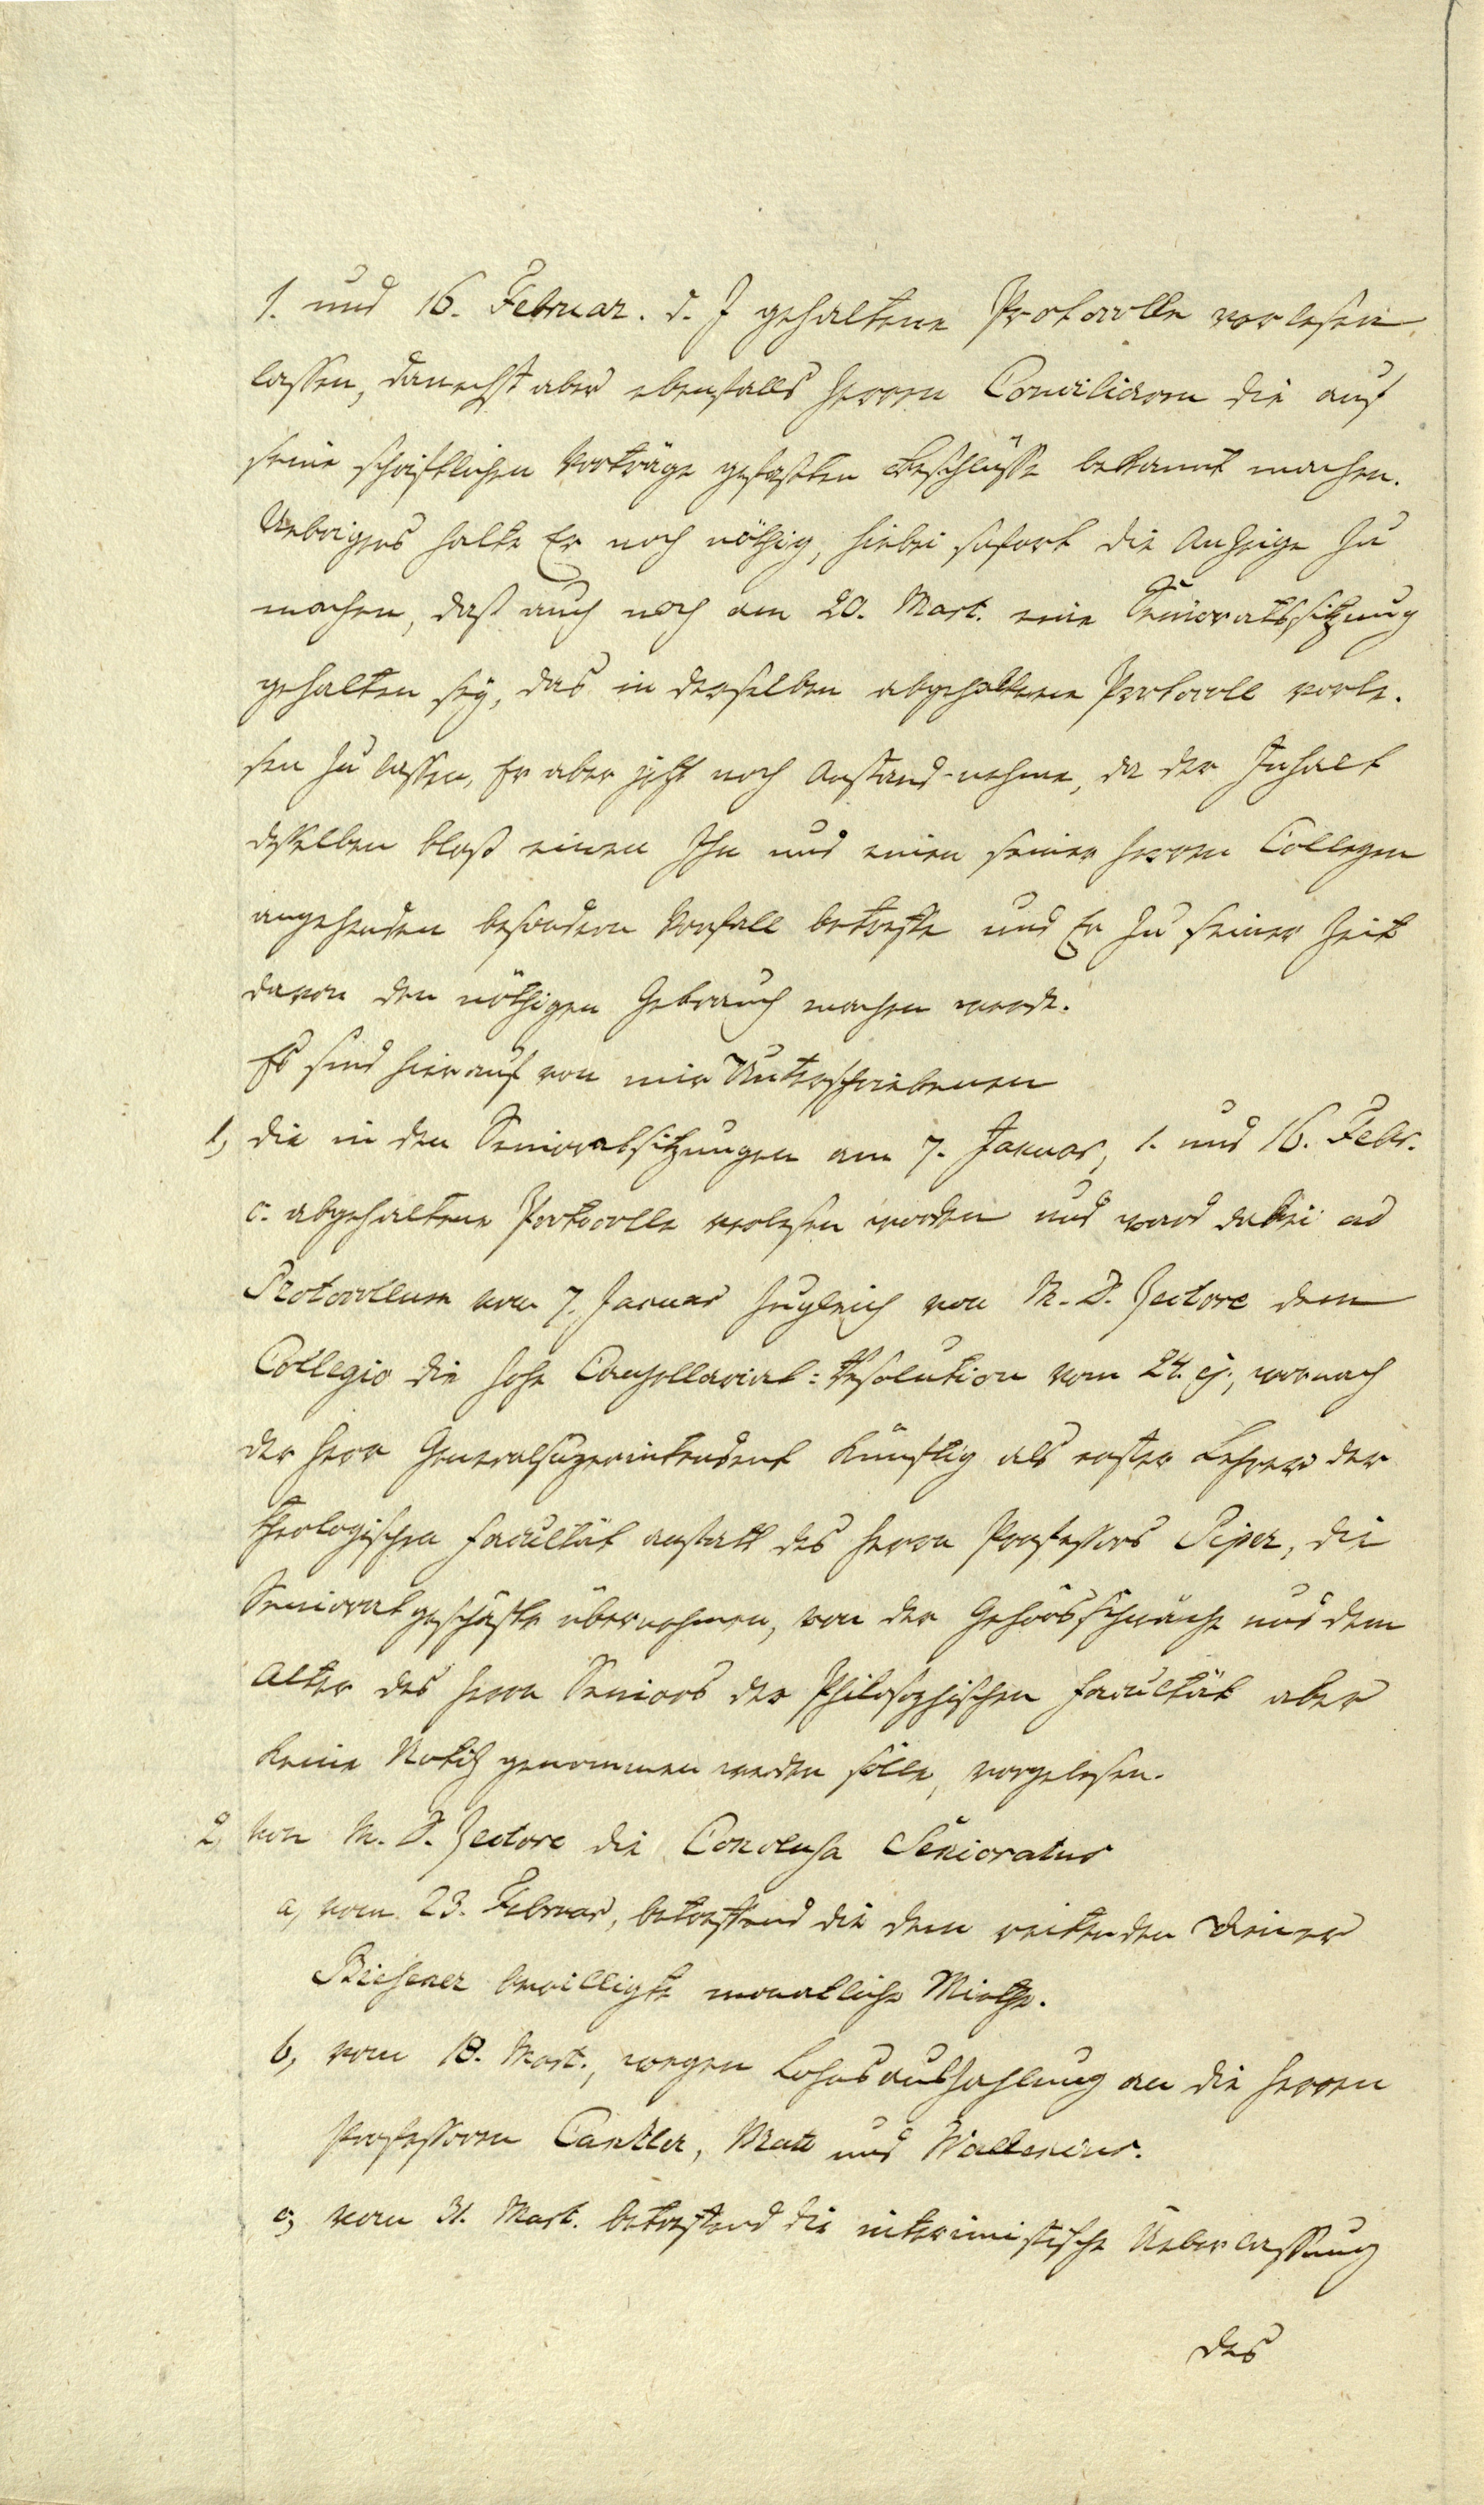1. und 16. Februar d. J. gehaltene Protocolle verlesen
lassen, danechst aber ebenfalls herren Conciliaren die auf
seine schriftlichen Vorträge gefaßten Beschlüsse bekannt machen.
Uebrigens halte Er noch nöthig, hiebei sofort die Anzeige zu
machen, daß auch noch am 20. Mart. eine Senioratssitzung
gehalten seÿ, das in derselben abgehaltene Protocoll vorle¬
sen zu lassen, Er aber jetzt noch Anstand nehme, da der Inhalt
desselben bloß einen Ihn und einen seiner herren Collegen
angehenden besonderen Vorfall betreffe und Er zu seiner Zeit
davon den nöthigen Gebrauch machen werde.
Es sind hierauf von mir Unterschriebenen
1, die in den Senioratsitzungen am 7. Januar, 1. und 16. Febr.
c. abgehaltenen Protocolle verlesen worden und ward dabei ad
Protocollum vom 7. Januar zugleich von M. D. Rectore dem
Collegio die hohe Canzellariat-Resolution vom 24. ej., wornach
der herr Generalsuperintendent künftig als erster Lehrer der
Theologischen Fakultät anstatt des herrn Professors Piper, die
Senioratgeschäfte übernehmen, von der Gehörsschwäche und dem
Alter des herrn Seniors der Philosophischen Facultät aber
keine Notiz genommen werden solle, vorgelesen.
2, Von M. D. Rectore die Conclusa Senioratus
a, vom 23. Februar, betreffend die dem reitenden Diener
Biesener bewilligte monatliche Miethe.
b, vom 18. Mart., wegen Lohnsauszahlung an die Herren
Professoren Canzler, Bratt und Wallenius.
c, vom 31. Mart. betreffend die interimistische Überlassung
des